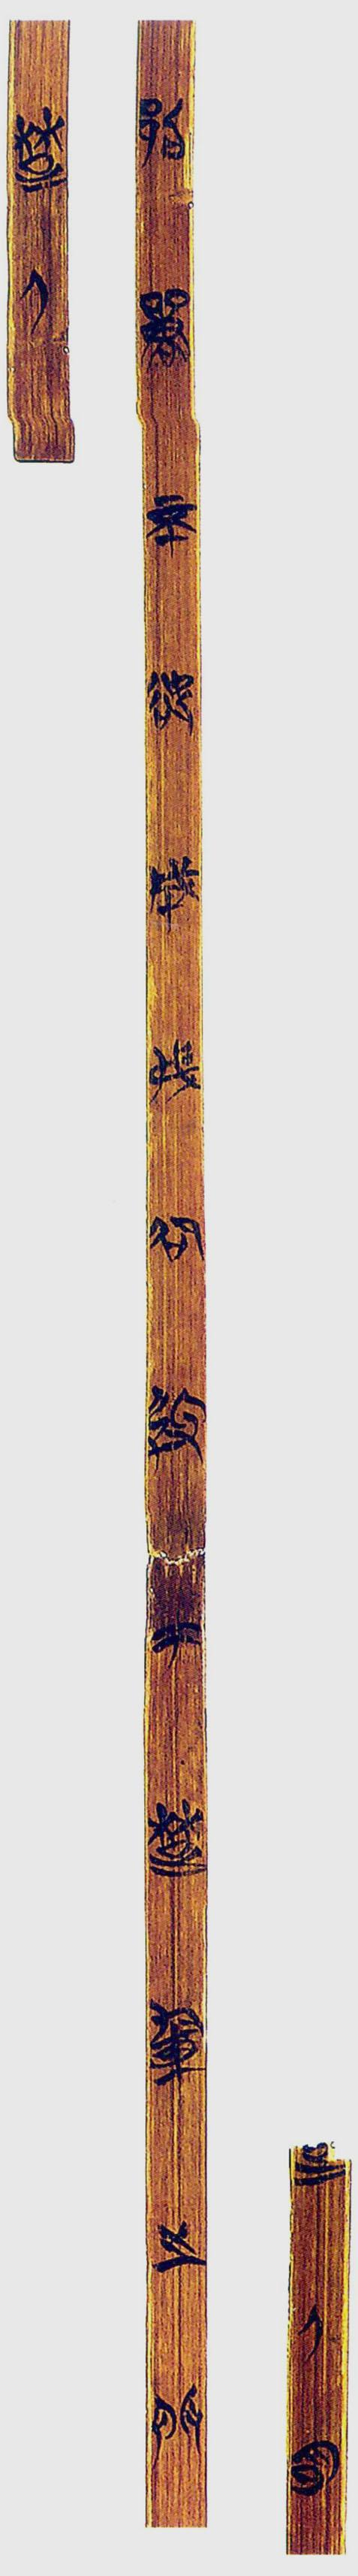楚人明{勺阝}{單口}不欲成弗卲{弓夬}于楚軍之門楚人
